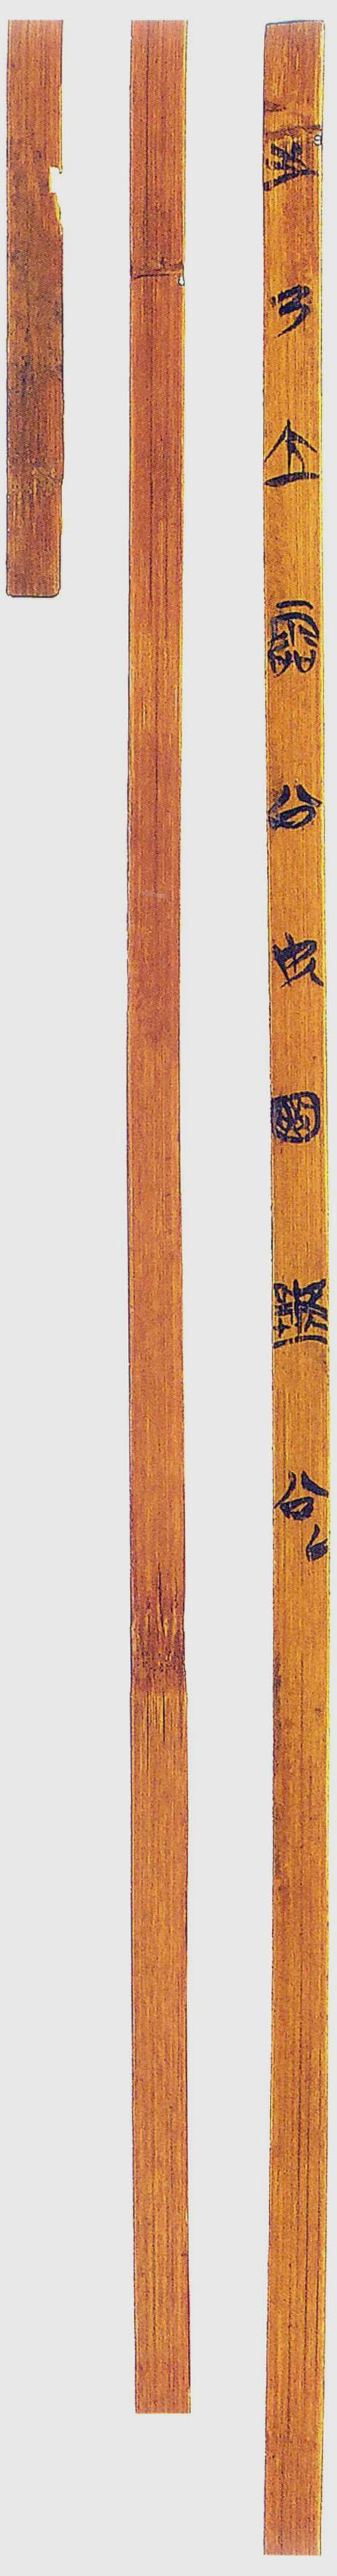之乃立霝公𡚦{囗爿歺}襄公
